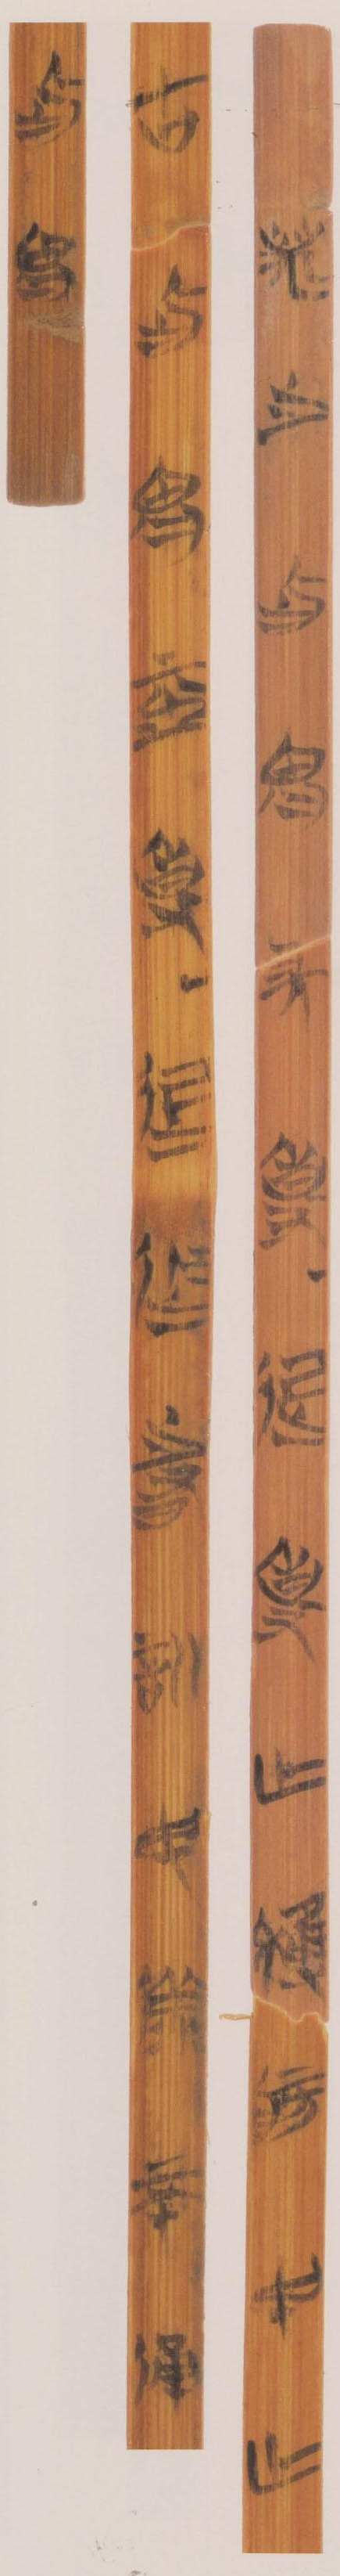萬之此胃𡵂事起事亡穫{疒方}民亡古此胃亞事起{辶殳}時訓民備不俑此胃
